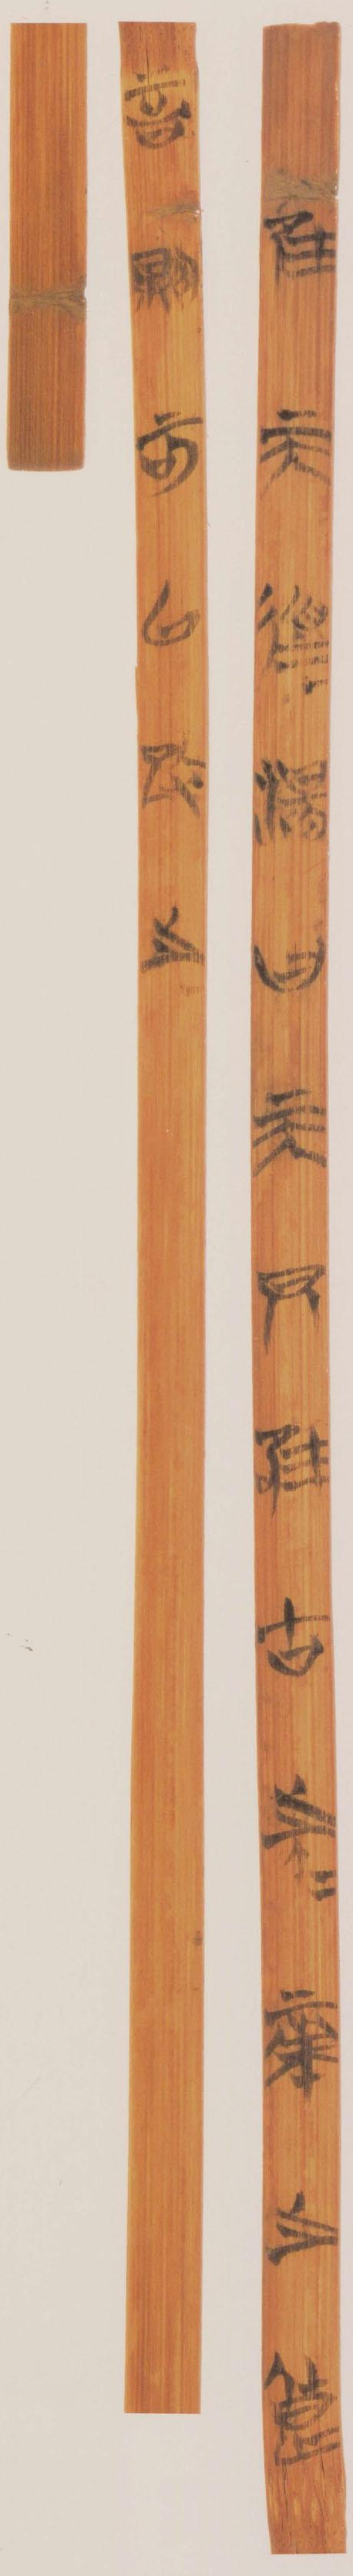隹天道湯曰天尹唯古先=帝之良言則可㠯（以）改之
